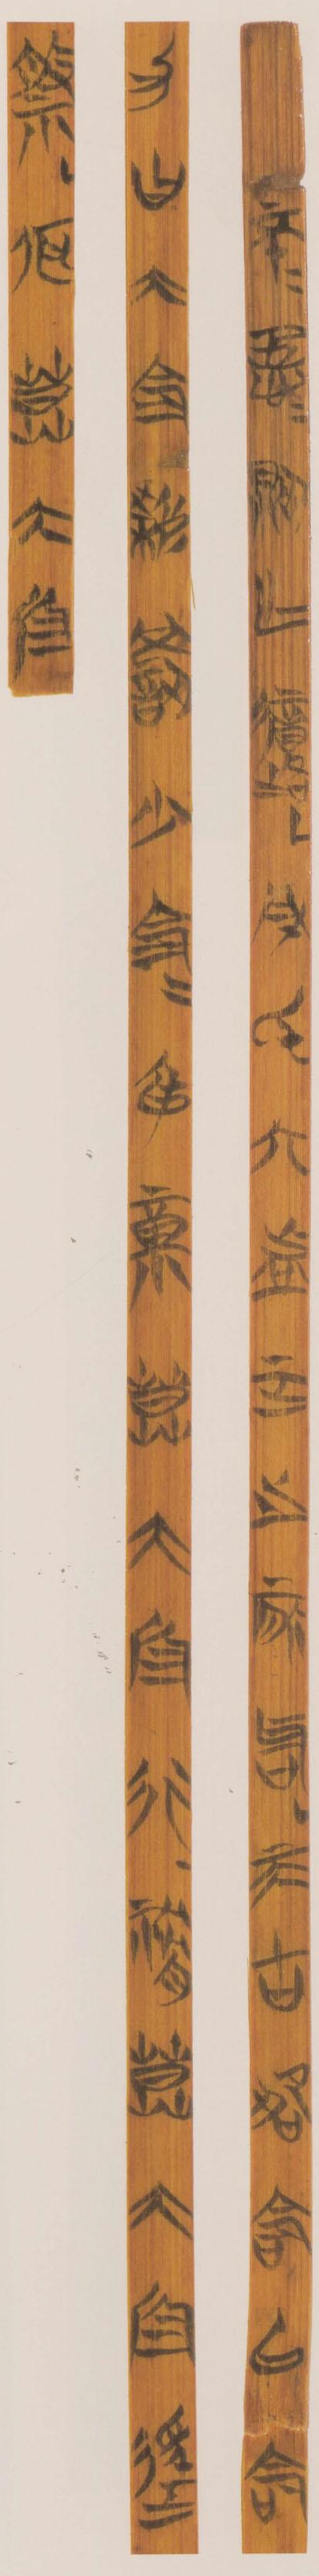不=忠=則亡復凡氒六者正之所{㠯ㅋ}天古卲命㠯（以）命力曰大命殜罰少命=身福莫大於行禍莫大於{辶㸒}祭佴莫大於
